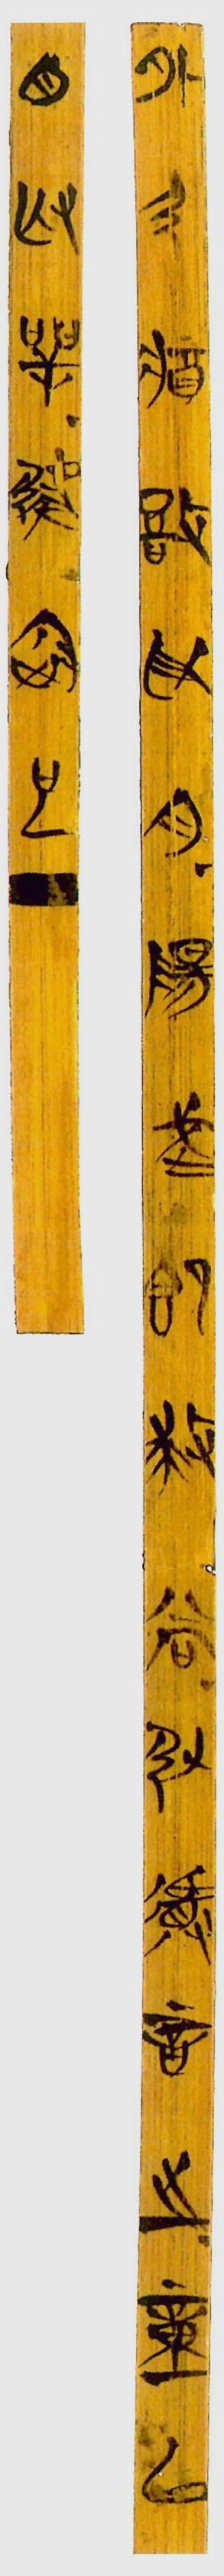外弓𨟻（將）{豆口攴}爲肉陽武即救尚引虘B言之童㠯（以）目{亡又}咢{弓夬矢}禽也
